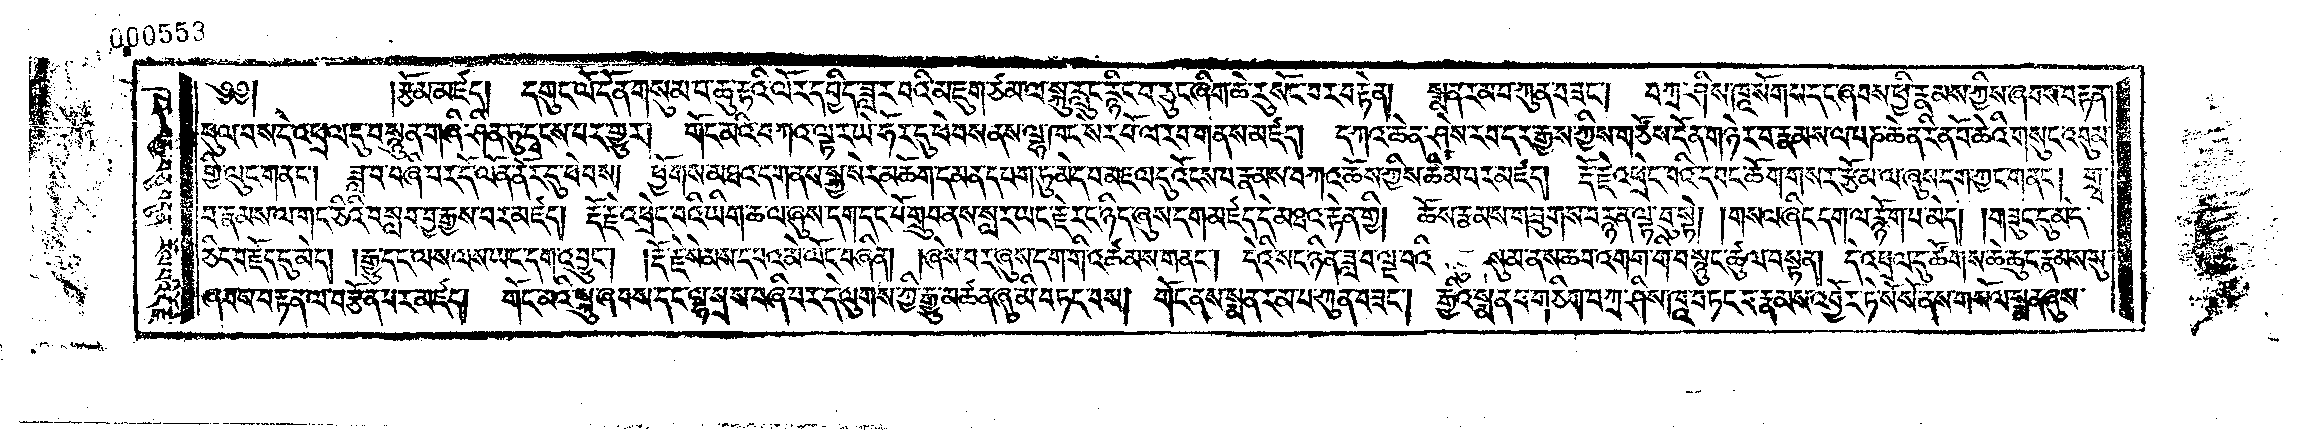༄༅། །རྩོམ་མཛད། དགུང་ལོ་དོན་གསུམ་པ་ཆུ་རྟའི་ལོར་དབྱིད་ཟླར་བའི་མཇུག་ཙམ་ལ་སྐུ་རླུང་རྙིང་བཅུང་ཞིག་ཆེ་རུ་སོང་བར་བརྟེན། སྨན་རམ་བ་ཀུན་བཟང་། བཀྲ་ཤིས་ཁཱ་སོགས་དང་ཞབས་ཕྱི་རྣམས་ཀྱིས་ཞབས་བརྟན་
ཕུལ་བས་དེ་འཕྲལ་དུ་བསྙུན་གཞི་ཤིན་ཏུ་དྭངས་བར་གྱུར། གོང་མའི་བཀའ་ལྟར་ཡེ་ཧོར་དུ་ཕེབས་ནས་ལྷ་ཁང་སེར་བོ་ལ་རབ་གནས་མཛད། དཀའ་ཆེན་ཤེས་རབ་དར་རྒྱས་ཀྱིས་གཙོས་ངོན་གཉེར་བ་རྣམས་ལ་པཎ་ཆེན་རིན་པོ་ཆེའི་གསུང་འབུམ་
གྱི་ལུང་གནང་། ཟླ་བ་བཞི་པར་དོ་ལོན་ནོར་དུ་ཕེབས། ཕྱོགས་མཐའ་དག་ནས་སྐྱ་སེར་མཆོག་དམན་དཔག་ཏུ་མེད་པ་མཇལ་དུ་འོངས་པ་རྣམས་བཀའ་ཆོས་ཀྱིས་ཚིམ་པར་མཛད། རྡོ་རྗེ་འཕྲེང་བའི་དབང་ཆོག་གསར་རྩོམ་ལ་ཞུས་དག་ཀྱང་གནང་། གྲྭ་
བ་རྣམས་ལ་གང་ཅིའི་བསླབ་བྱ་རྒྱས་པར་མཛད། རྡོ་རྗེ་འཕྲེང་བའི་ཡིག་ཆ་ལ་ཞུས་དག་དང་པོ་གྲུབ་ནས་སླར་ཡང་རྗེ་རང་ཉིད་ཞུས་དག་མཛད་དེ་མཐའ་རྟེན་གྱི། ཆོས་རྣམས་གཟུགས་བརྙན་ལྟ་བུ་སྟེ། །གསལ་ཞིང་དག་ལ་རྙོག་པ་མེད། །གཟུང་དུ་མེད་
ཅིང་བརྗོད་དུ་མེད། །རྒྱུ་དང་ལས་ལས་ཡང་དག་འབྱུང་། །རྡོ་རྗེ་སེམས་དཔའ་མེ་ལོང་བཞིན། །ཞེས་པར་ཞུས་དག་གི་འཚམས་གནང་། དེའི་སང་ཉིན་ཟླ་བ་ལྔ་བའི་བཅུ་གསུམ་ནས་ཆབ་འགག་གི་བསྙུང་ཚུལ་བསྟན། དེ་འཕྲལ་དུ་ཚོགས་ཆེ་ཆུང་རྣམས་སུ་
ཞབས་བརྟན་ལ་བརྩོན་པར་མཛད། གོང་མའི་སྐུ་ཞབས་དང་ལྷ་སྲས་བཞི་པར་དེ་ལུགས་ཀྱི་རྒྱུ་མཚན་ཞུ་མི་བཏང་བས། གོང་ནས་སྨན་རམ་པ་ཀུན་བཟང་། རྒྱའི་སྨན་པ་གཅིག་བཀྲ་ཤིས་ཁའ་བཏང་བ་རྣམས་འབྱོར་ཏེ་སོ་སོ་ནས་གསོལ་སྨན་ཞུས་